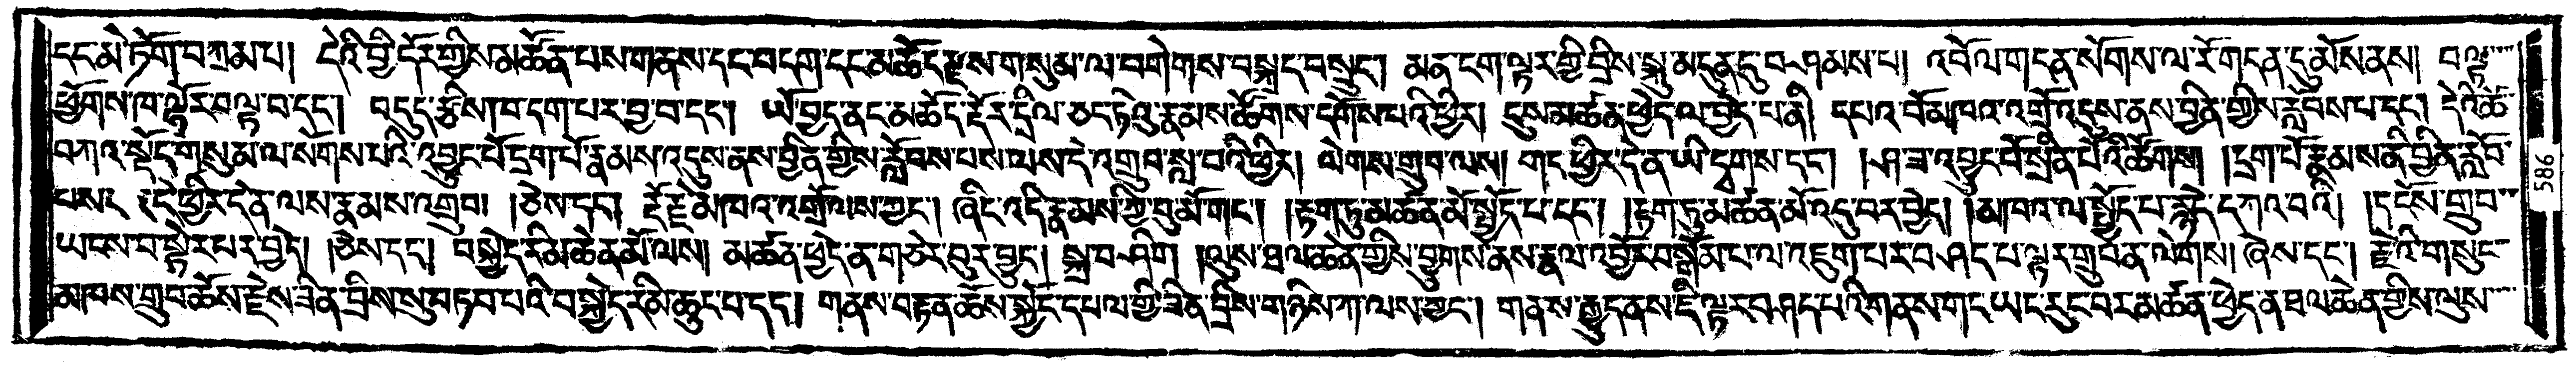དང་མེ་ཏོག་བཀྲམ་པ། དེའི་བྱི་དོར་གྱིས་མཚོན་པས་གནས་དང་བདག་དང་མཆོད་རྫས་གསུམ་ལ་བགེགས་བསྐྲད་བསྲུང་། མན་ངག་ལྟར་གྱི་བྲིས་སྐུ་མདུན་དུ་བཤམས་པ། འབོལ་གདན་སོགས་ལ་རོ་གདན་དུ་མོས་ནས། བལྟ་
ཕྱོགས་ཁ་ལྷོར་བལྟ་བ་དང་། བདུད་རྩིས་ཁ་དག་པར་བྱ་བ་དང་། ཡོ་བྱད་ནང་མཆོད་རྡོར་དྲིལ་ཅང་ཏེའུ་རྣམས་ཚོགས་དགོས་པའི་ཕྱིར། དུས་མཚན་ཕྱེད་ལ་བྱེད་པ་ནི། དཔའ་བོ་མཁའ་འགྲོ་འདུས་ནས་བྱིན་གྱིས་རློབས་པ་དང་། དེའི་ཚེ་
བཀའ་སྡོད་གསུམ་ལ་སོགས་པའི་འབྱུང་པོ་དྲག་པོ་རྣམས་འདུས་ནས་བྱིན་གྱིས་རློབས་པས་ལས་དེ་འགྲུབ་སླ་བའི་ཕྱིར། ལེགས་གྲུབ་ལས། གང་ཕྱིར་དེ་ན་ཡི་དྭགས་དང་། །ཤ་ཟ་འབྱུང་པོ་སྲིན་པོའི་ཚོགས། །དྲག་པོ་རྣམས་ནི་བྱིན་རློབ་
པས༑ ༑དེ་ཕྱིར་དེ་ན་ལས་རྣམས་འགྲུབ། །ཅེས་དང་། རྡོ་རྗེ་མཁའ་འགྲོ་ལས་ཀྱང་། ཞིང་འདི་རྣམས་ཀྱི་བུ་མོ་གང་། །རྟག་ཏུ་མཚན་མོ་སྤྱོད་པ་དང་། །རྟག་ཏུ་མཚན་མོ་འདུ་བར་བྱེད། །མཁའ་ལ་སྤྱོད་པ་རྙེད་དཀའ་བའི། །དངོས་གྲུབ་
ཡངས་བ་སྟེར་པར་བྱེད། །ཅེས་དང་། བསྐྱེད་རིམ་ཆེན་མོ་ལས། མཚན་ཕྱེད་ན་གཅེར་བུར་བྱུང་། སྐྲ་བཤིག། །ལུས་ཐལ་ཆེན་གྱིས་བྱུགས་ནས་རྣལ་འབྱོར་བསྒོམ་པ་ལ་འཇུག་པར་བཤད་པ་ལྟར་གྲུབ་ན་ལེགས། ཞེས་དང་། རྗེའི་གསུང་
མཁས་གྲུབ་ཆོས་རྗེས་ཟིན་བྲིས་སུ་བཏབ་པའི་བསྐྱེད་རིམ་ཆུང་བ་དང་། གནས་བརྟན་ཆོས་སྐྱོང་དཔལ་གྱི་ཟིན་བྲིས་གཉིས་ཀ་ལས་ཀྱང་། གནས་རྒྱུད་ནས་ཇི་ལྟར་བཤད་པའི་གནས་གང་ཡང་རུང་བར་མཚན་ཕྱེད་ན་ཐལ་ཆེན་གྱིས་ལུས་